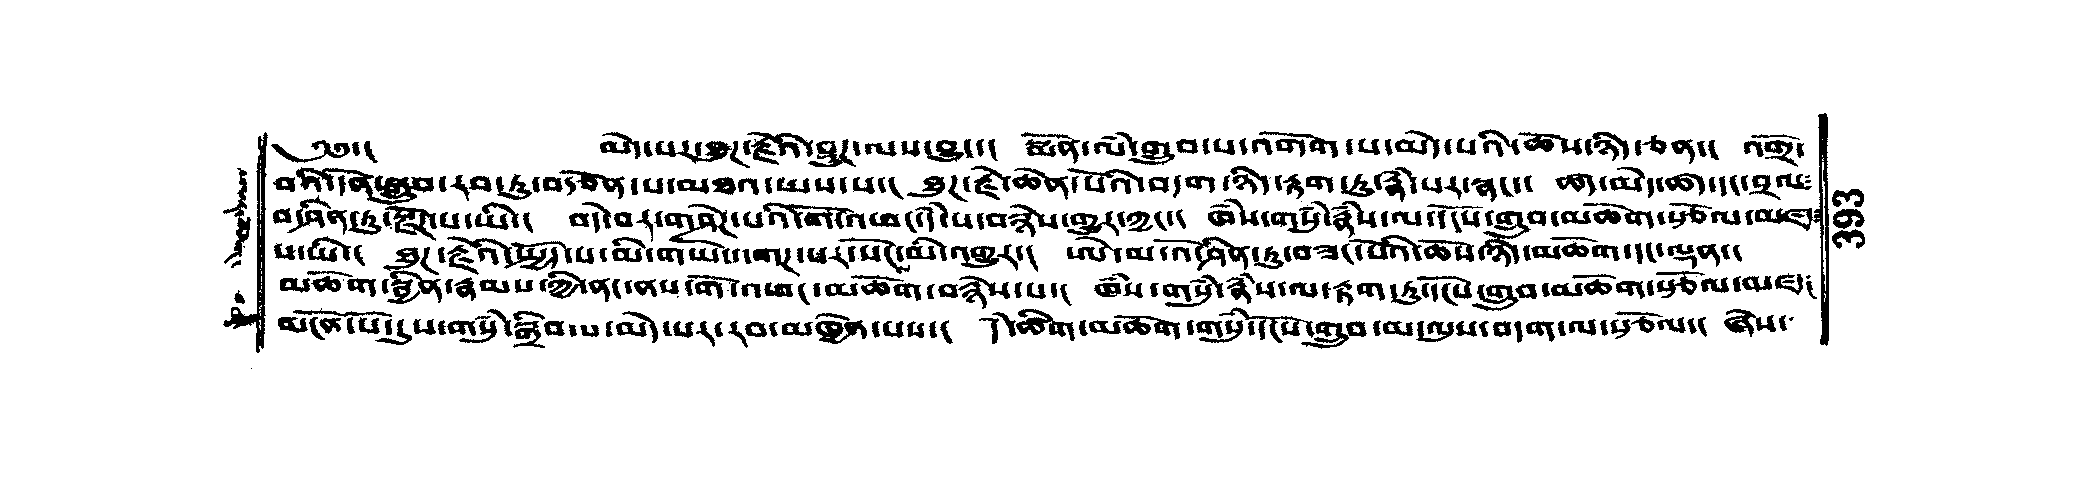མེད་པར་ཐུགས་རྗེའི་ཤུགས་ལས་བྱུང་། །སྨོན་ལམ་གྲུབ་པ་འགོག་པ་མེད་པའི་ཆོས་ཉིད་ཅན། །འགྲོ་
བའི་དོན་སྒྲུབ་རབ་ཏུ་བརྩོན་པ་མཐའ་ཡས་པ། །ཐུགས་རྗེ་ཆེན་པོའི་བདག་ཉིད་རྟག་ཏུ་རྣམ་པར་སྣང་། །ཚད་མེད་ཚད་དང་བྲལ་
བ་ཤིན་ཏུ་རྫོགས་པ་ཡི། །བདེ་བར་གཤེགས་པའི་གོ་འཕང་དམ་པ་བརྙེས་གྱུར་ཀྱང་། །ཁམས་གསུམ་རྣམས་ལ་དངོས་གྲུབ་མཆོག་སྩོལ་མཛད་
པ་ཡི། །ཐུགས་རྗེའི་སྤྱོད་པ་མི་གཡོ་འགགས་པར་ཡོང་མི་འགྱུར། །ཨེ་མ་ཧོ་ཤིན་ཏུ་བཟང་པོའི་ཆོས་ཉིད་མཆོག་དང་ལྡན། །
མཆོག་སྦྱིན་རྣམས་ཀྱི་ནང་ནས་གོ་འཕང་མཆོག་བརྙེས་པ། །ཁམས་གསུམ་རྣམས་ལ་རྟག་ཏུ་དངོས་གྲུབ་མཆོག་སྩོལ་མཛད། །
མགོན་པོ་དུས་གསུམ་སྒྲིབ་པ་མེད་པར་རབ་མཁྱེན་པས། །དམ་ཚིག་མཆོག་གསུམ་དངོས་གྲུབ་མ་ལུས་བདག་ལ་སྩོལ།ཞེས་